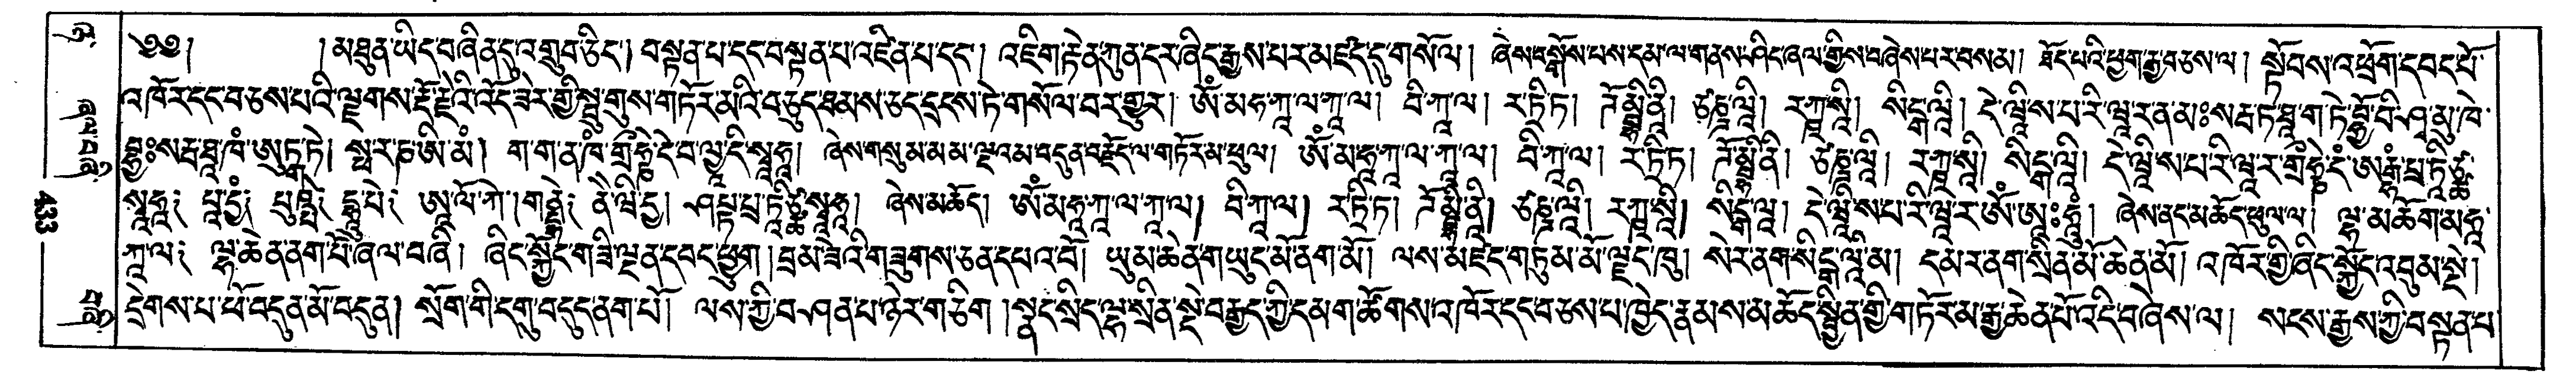༄༅། །མཐུན་ཡིད་བཞིན་དུ་འགྲུབ་ཅིང་། བསྟན་པ་དང་བསྟན་པ་འཛིན་པ་དང་། འཇིག་རྟེན་ཀུན་དར་ཞིང་རྒྱས་པར་མཛད་དུ་གསོལ། ཞེས་བསྒོས་པས་དམ་ལ་གནས་ཤིང་ཞལ་གྱིས་བཞེས་པར་བསམ། ཐོད་པའི་ཕྱག་རྒྱ་བཅས་ལ། སྟོབས་འཕྲོག་དབང་པོ་
འཁོར་དང་བཅས་པའི་ལྗགས་རྡོ་རྗེའི་འོད་ཟེར་གྱི་སཱུ་གུས་གཏོར་མའི་བཅུད་ཐམས་ཅད་དྲངས་ཏེ་གསོལ་བར་གྱུར། ཨོཾ་མཧཱ་ཀཱ་ལ་ཀཱ་ལ། བི་ཀཱ་ལ། ར་ཏྲི་ཏ། ཌོམྦྷཾ་ནཱི། ཙཎྜ་ལཱི། རཀྵ་སཱི། སིངྒ་ལཱ། དེ་ཝཱི་ས་བ་རི་ཝཱ་ར་ན་མཿསརྦ་ཏ་ཐཱུ་ག་ཏེ་བྷྱོ་པ་ཤྦིམུ་ཁེ་
བྷཿསརྦ་ཐཱ་ཁཾ་ཨུཏྒ་ཏེ། སྤ་ར་ཎ་ཡི་མཾ། ག་ག་ན་ཁཾ་གྲྀཧྞེ་དཾ་བ་ལྱཱ་དིསྭཱཧཱ། ཞེས་གསུམ་མམ་ལྔའམ་བདུན་བརྗོད་ལ་གཏོར་མ་ཕུལ། ཨོཾ་མ་ཧཱ་ཀཱ་ལ་ཀཱ།  བི་ཀཱ་ལ་རཏྲི་ཏ། ཌོམྦྷི་ནཱི། ཙཎྜ་ལཱི། རཀྵ་སཱི། སིངྒ་ལཱི། པཝཱི་ས་པ་རི་ཝཱ་ར་གྲཧྞེ་དཾ་ཨརྒྷཾ་པྲ་ཏཱིཙྪ་
སྭཱཧཱ༑ པཱདྱཾ༑ པུཥཔེ། དྷཱུ་པ༑ ཨཱ་ལོ་ཀེ་གནྡྷེ༑ ནཻ་ཝི་དྱ། ཤཔྟ་པྲ་ཏཱཙྪ་སྭཱཧཱ། ཞེས་མཆོད།  ཨོཾ་མཧཱ་ཀཱ་ལ་ཀཱ་ལ། བི་ཀཱ་ལ། ར་ཏྲ་ཏ། ཌོམྦྷི་ནཱི། ཙཎྜ་ལཱི། རཀྵ་སཱི། སིངྒ་ལཱ། དེ་ཝཱ་སི་བ་རི་ཝཱ་ར་ཨོཾ་ཨཱཿ ཧཱུཾ། ཞེས་ནང་མཆོད་ཕུ་ལ།  ལྷ་མཆོག་མཧཱ་
ཀཱ་ལ༑ ལྷ་ཆེན་ནག་པོ་ཞལ་བཞི། ཞིང་སྐྱོང་གཟི་ལྡན་དབང་ཕྱུག །བྲམ་ཟེའི་གཟུགས་ཅན་དཔའ་བོ། ཡུམ་ཆེན་གཡུང་མོ་ནག་མོ། ལས་མཛད་གཏུམ་མོ་ལྗང་ཁུ། སེར་ནག་སིངྒ་ལཱི་མ། དམར་ནག་སྲིན་མོ་ཆེན་མོ། འཁོར་གྱི་ཞིང་སྐྱོང་འབུམ་སྡེ།
དྲེགས་པ་ཕོ་བདུན་མོ་བདུན། སྲོག་གི་དགུ་བདུད་ནག་པོ། ལས་ཀྱི་བཤན་པ་ཉེར་གཅིག །སྣང་སྲིད་ལྷ་སྲིན་སྡེ་བརྒྱད་ཀྱི་དམག་ཚོགས་འཁོར་དང་བཅས་པ་ཁྱེད་རྣམས་མཆོད་སྦྱིན་གྱི་གཏོར་མ་རྒྱ་ཆེན་པོ་འདི་བཞེས་ལ། སངས་རྒྱས་ཀྱི་བསྟན་པ་